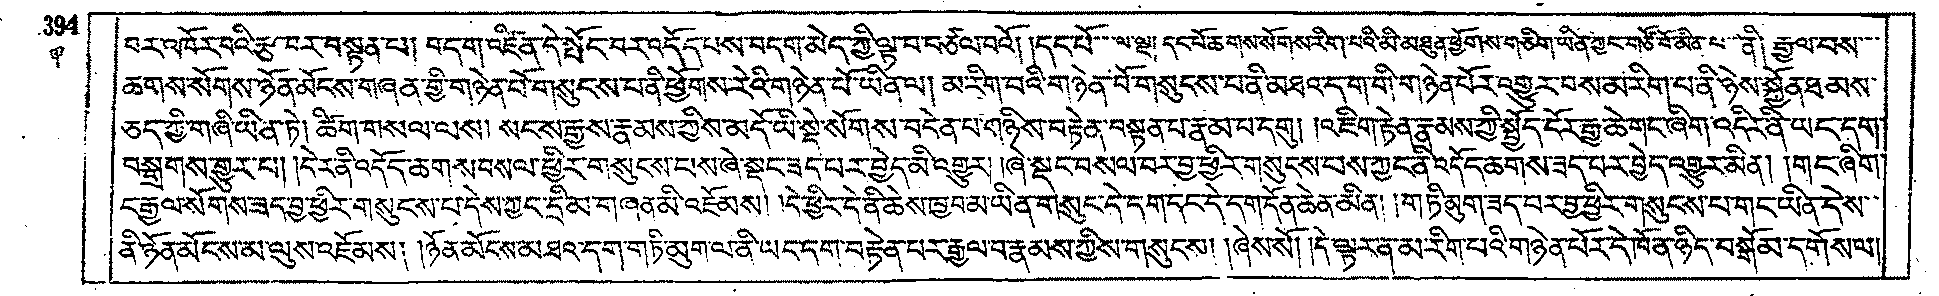བར་འཁོར་བའི་རྩ་བར་བསྟན་པ། བདག་འཛིན་དེ་སྤོང་བར་འདོད་པས་བདག་མེད་ཀྱི་ལྟ་བ་བཙལ་པའོ། །དང་པོ་ལ་ལྔ། དང་པོ་ཆགས་སོགས་རིག་པའི་མཐུན་ཕྱོགས་གཅིག་ཡིན་ཀྱང་གཙོ་བོ་མིན་པནི། རྒྱལ་བས་
ཆགས་སོགས་ཉོན་མོངས་གཞན་གྱི་གཉེན་པོ་གསུངས་པ་ནི་ཕྱོགས་རེའི་གཉེན་པོ་ཡིན་ལ། མ་རིག་པའི་གཉེན་པོ་གསུངས་པ་ནི་མཐའ་དག་གི་གཉེན་པོར་འགྱུར་བས་མ་རིག་པ་ནི་ཉེས་སྐྱོན་ཐམས་
ཅད་ཀྱི་གཞི་ཡིན་ཏེ། ཚིག་གསལ་ལས། སངས་རྒྱས་རྣམས་ཀྱིས་མདོ་ཡི་སྡེ་སོགས་བདེན་པ་གཉིས་བརྟེན་བསྟན་པ་རྣམ་པ་དགུ། །འཇིག་རྟེན་རྣམས་ཀྱི་སྤྱོད་དོར་རྒྱ་ཆེ་གང་ཞིག་འདིར་ནི་ཡང་དག་
བསྒྲགས་གྱུར་པ། །དེར་ནི་འདོད་ཆགས་བསལ་ཕྱིར་གསུངས་པས་ཞེ་སྡང་ཟད་པར་བྱེད་མི་འགྱུར། །ཞེ་སྡང་བསལ་བར་བྱ་ཕྱིར་གསུངས་པས་ཀྱང་ནི་འདོད་ཆགས་ཟད་པར་བྱེད་འགྱུར་མིན། །གང་ཞིག་
ང་རྒྱལ་སོགས་ཟད་བྱ་ཕྱིར་གསུངས་པ་དེས་ཀྱང་དྲི་མ་གཞན་མི་འཇོམས། །དེ་ཕྱིར་དེ་ནི་ཆེས་ཁྱབ་མ་ཡིན་གསུང་དེ་དག་དང་དེ་དག་དོན་ཆེན་མིན། །གཏི་མུག་ཟད་པར་བྱ་ཕྱིར་གསུངས་པ་གང་ཡིན་དེས་
ནི་ཉོན་མོངས་མ་ལུས་འཇོམས། །ཉོན་མོངས་མཐའ་དག་གཏི་མུག་ལ་ནི་ཡང་དག་བརྟེན་པར་རྒྱལ་བ་རྣམས་ཀྱིས་གསུངས། །ཞེས་སོ། །དེ་ལྟར་ན་མ་རིག་པའི་གཉེན་པོར་དེ་ཁོ་ན་ཉིད་བསྒོམ་དགོས་ལ།